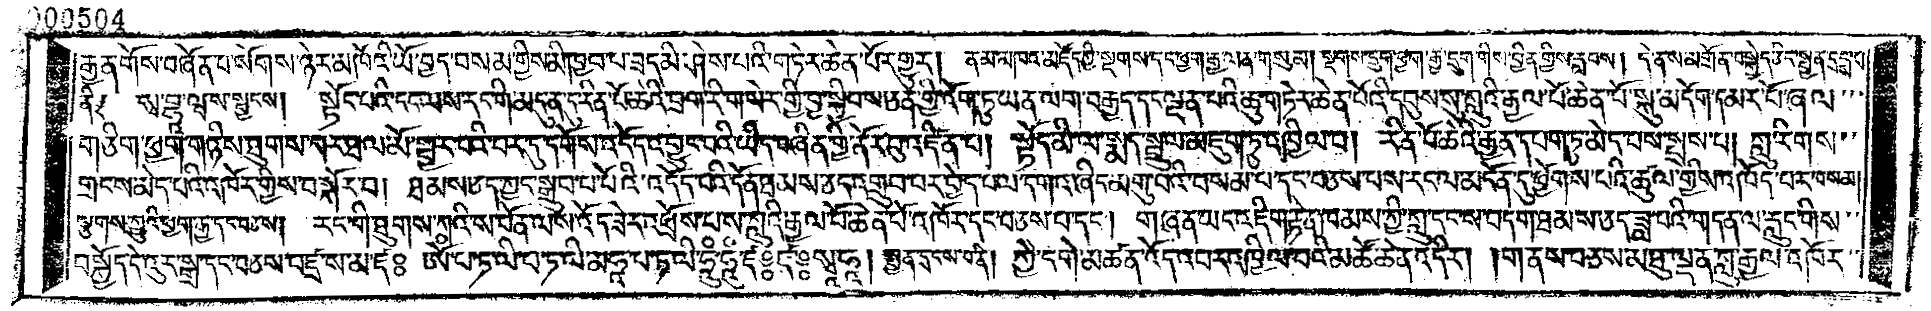རྒྱན་གོས་བཞོན་པ་སོགས་ཉེར་མཁོའི་ཡོ་བྱད་བསམ་གྱིས་མི་ཁྱབ་པ་ཟད་མི་ཤེས་པའི་གཏེར་ཆེན་པོར་གྱུར། ནམ་མཁའ་མཛོད་ཀྱི་སྔགས་དང་ཕྱག་རྒྱ་ལན་གསུམ། སྔགས་དྲུག་ཕྱག་རྒྱ་དྲུག་གིས་བྱིན་གྱིས་རླབས། དེ་ནས་མགྲོན་བསྐྱེད་ཅིང་སྤྱན་དྲངས་པ་
ནི༑ སྭ་བྷཱ་ཝ་ས་སྦྱངས། སྟོང་པའི་ངང་ལས་རང་གི་མདུན་དུ་རིན་པོ་ཆེའི་བྲག་རི་གསེར་གྱི་བྱ་སྐྱིབས་ཅན་གྱི་འོག་ཏུ་ཡན་ལག་བརྒྱད་དང་ལྡན་པའི་ཆུ་གཏེར་ཆེན་པོའི་དབུས་སུ་ཀླུའི་རྒྱལ་པོ་ཆེན་པོ་སྐུ་མདོག་དམར་པོ་ཞལ་
གཅིག་ཕྱག་གཉིས་ཐུགས་ཀར་ཐལ་མོ་སྦྱར་བའི་བར་དུ་དགོས་འདོད་འབྱུང་བའི་ཡིད་བཞིན་གྱི་ནོར་བུ་འཛིན་པ། སྟོད་མི་ལ་སྨད་སྦྲུལ་མཇུག་ཏུ་འཁྱིལ་བ། རིན་པོ་ཆེའི་རྒྱན་དཔག་ཏུ་མེད་པས་སྤྲས་པ། ཀླུ་རིགས་
གྲངས་མེད་པའི་འཁོར་གྱིས་བསྐོར་བ། ཐམས་ཅད་ཀྱང་སྒྲུབ་པ་པོའི་འདོད་པའི་དོན་ཐམས་ཅད་འགྲུབ་པར་བྱེད་པ་ལ་དགའ་ཞིང་མགུ་བའི་བསམ་པ་དང་བཅས་པས་རང་ལ་མངོན་དུ་ཕྱོགས་པའི་ཚུལ་གྱིས་འཁོད་པར་བསམ།
ལྕགས་ཀྱུའི་ཕྱག་རྒྱ་དང་བཅས། རང་གི་ཐུགས་ཀའི་ས་བོན་ལས་འོད་ཟེར་འཕྲོས་པས་ཀླུའི་རྒྱལ་པོ་ཆེན་པོ་འཁོར་དང་བཅས་པ་དང་། གཞན་ཡང་འཇིག་རྟེན་ཁམས་ཀྱི་ཀླུ་དང་ས་བདག་ཐམས་ཅད་ཟླ་བའི་གདན་ལ་རླུང་གིས་
བསྐྱོད་དེ་འུར་སྒྲ་དང་བཅས་བཛྲ་ས་མ་ཛཿ ཨོཾ་པ་ཏ་ལི་པ་ཏ་ལི་མཧཱ་པ་ཏ་ལི་ཧཱུཾ་ཧཱུཾ་ཛཿ ཛཿ སྭཱ་ཧཱ། སྤྱན་དྲངས་པ་ནི།  ཀྱཻ་དགེ་མཚན་འོད་འབར་འཁྱིལ་བའི་མཚོ་ཆེན་འདིར། །གནས་བཅས་མཐུ་ལྡན་ཀླུ་རྒྱལ་འཁོར་